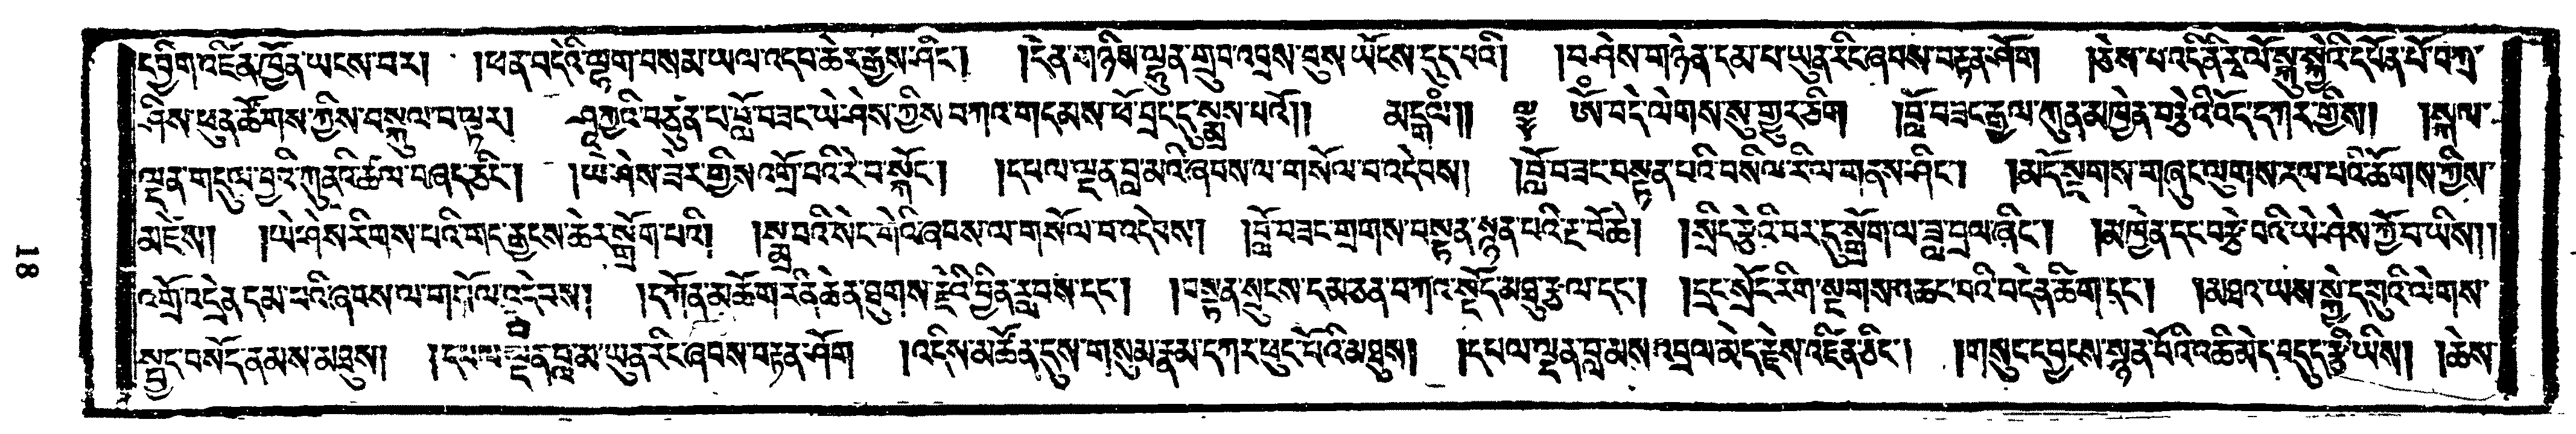དབྱིག་འཛིན་ཁྱོན་ཡངས་བར། །ཕན་བདེའི་ལྷག་བསམ་ཡལ་འདབ་ཆེར་རྒྱས་ཤིང་། །དེན་གཉིས་ལྷུན་གྲུབ་འབྲས་བུས་ཡོངས་དུད་པའི། །བཤེས་གཉེན་དམ་པ་ཡུན་རིང་ཞབས་བརྟན་ཤོག །ཅེས་པ་འདི་ནི་རྭ་ལོ་སྐུ་སྐྱེའི་དཔོན་པོ་བཀྲ་
ཤིས་ཕུན་ཚོགས་ཀྱིས་བསྐུལ་བ་ལྟར། ཤཱཀྱའི་བཙུན་པ་བློ་བཟང་ཡེ་ཤེས་ཀྱིས་བཀའ་གདམས་ཕོ་བྲང་དུ་སྨྲས་པའོ།། མངྒལཾ།། ༈ ཨོཾ་བདེ་ལེགས་སུ་གྱུར་ཅིག །བློ་བཟང་རྒྱལ་ཀུན་མཁྱེན་བརྩེའི་འོད་དཀར་གྱིས། །སྐལ་
ལྡན་གདུལ་བྱའི་ཀུན་ནའི་ཚལ་བཞད་ཅིང་། །ཡེ་ཤེས་ཟེར་གྱིས་འགྲོ་བའི་རེ་བ་སྐོང་། །དཔལ་ལྡན་བླ་མའི་ཞབས་ལ་གསོལ་བ་འདེབས། །བློ་བཟང་བསྟན་པའི་བསིལ་རི་ལ་གནས་ཤིང་། །མདོ་སྔགས་གཞུང་ལུགས་རལ་པའི་ཚོགས་ཀྱིས་
མཛེས། །ཡེ་ཤེས་རིགས་པའི་གང་རྒྱངས་ཆེར་སྒྲོག་པའི། །སྨྲ་བའི་སེང་གེའི་ཞབས་ལ་གསོལ་བ་འདེབས། །བློ་བཟང་གྲགས་བསྟན་སྙན་པའི་རྔ་བོ་ཆེ། །སྲིད་རྩེའི་བར་དུ་སྒྲོག་ལ་ཟླ་བྲལ་ཞིང་། །མཁྱེན་དང་བརྩེ་བའི་ཡེ་ཤེས་ཀྱོ་བ་ཡིས།།
འགྲོ་འདྲེན་དམ་པའི་ཞབས་ལ་གསོལ་བ་འདེབས། །དཀོན་མཆོག་རིན་ཆེན་ཐུགས་རྗེའི་བྱིན་རླབས་དང་། །བསྟན་སྲུངས་དམ་ཅན་བཀའ་སྔོད་མཐུ་རྩལ་དང་། །དྲང་སྲོང་རིག་སྔགས་འཆང་བའི་བདེན་ཚིག་དང་། །མཐའ་ཡས་སྐྱེད་དགུའི་ལེགས་
སྤྱད་བསོད་ནམས་མཐུས། །དཔལ་ལྡན་བླ་མ་ཡུན་རིང་ཞབས་བརྟན་ཤོག །འདིས་མཚོན་དུས་གསུམ་རྣམ་དཀར་ཕུང་པོའི་མཐུས། །དཔལ་ལྡན་བླ་མས་འབྲལ་མེད་རྗེས་འཛིན་ཅིང་། །གསུང་དབྱངས་སྙན་པོའི་འཆི་མེད་བདུད་རྩི་ཡིས། །ཆེས་